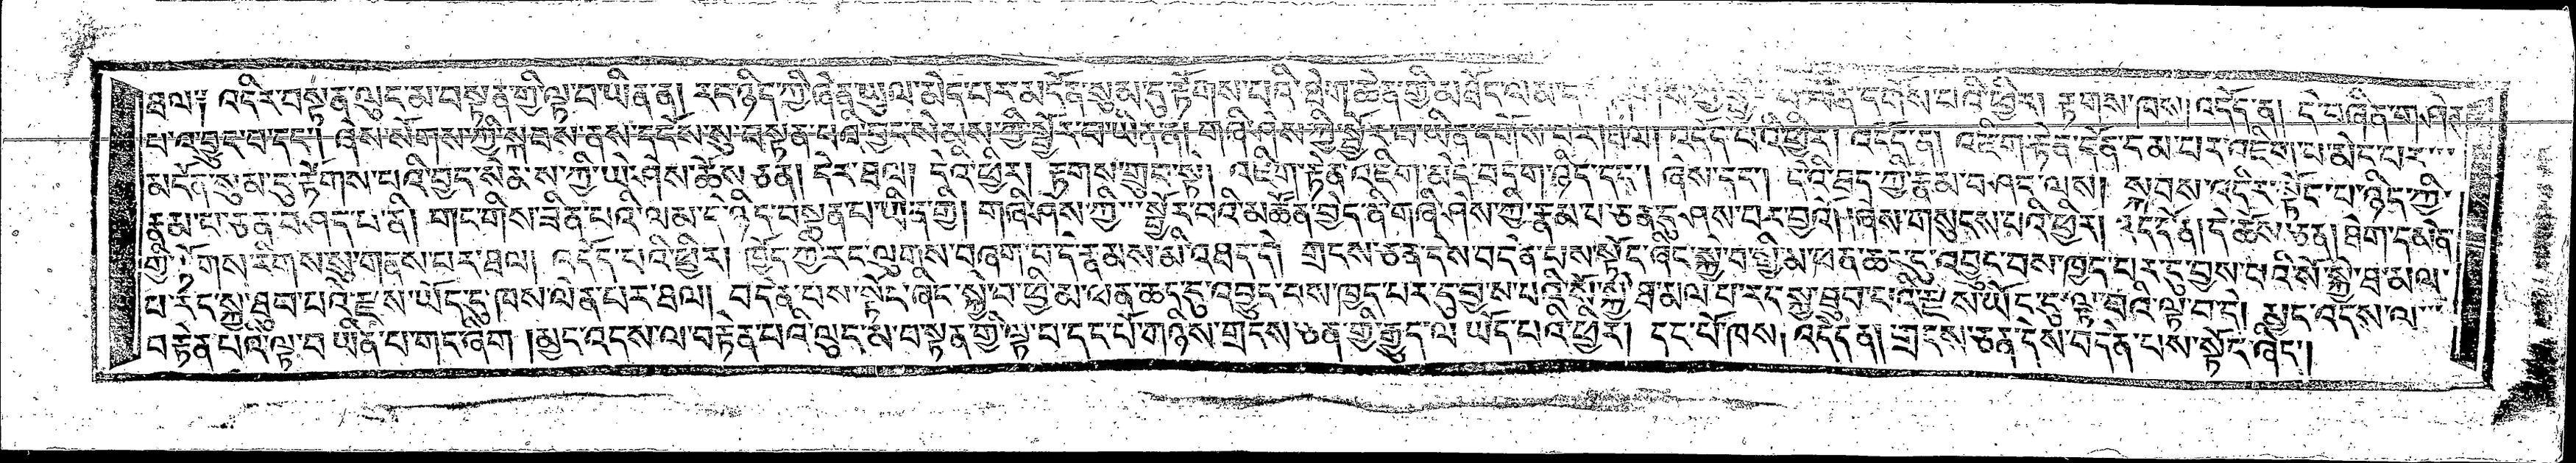ཐལ༑ འདིར་བསྟན་ལུང་མ་བསྟན་གྱི་ལྟ་བ་ཡིན་ན། རང་ཉིད་ཀྱི་ཞེན་ཡུལ་མེད་པར་མངོན་སུམ་དུ་རྟོགས་པའི་ཐེག་ཆེན་གྱི་མཐོང་ལམ་དེ་གཞི་ཤེས་ཀྱི་སྦྱོར་བ་ཡིན་དགོས་པའི་ཕྱིར། རྟགས་ཁས། འདོད་ན། དེ་བཞིན་གཤེགས་
པ་འབྱུང་བ་དང་། ཞེས་སོགས་ཀྱི་སྐབས་ནས་དངོས་སུ་བསྟན་པའི་བྱང་སེམས་ཀྱི་སྦྱོར་བ་ཡིན་ན། གཞི་ཤེས་ཀྱི་སྦྱོར་བ་ཡིན་དགོས་པར་ཐལ། འདོད་པའི་ཕྱིར། འདོད་ན། འཇིག་རྟེན་དོན་དམ་པར་འཇིག་པ་མེད་པར་
མངོན་སུམ་དུ་རྟོགས་པའི་བྱང་སེམས་ཀྱི་ཡེ་ཤེས་ཆོས་ཅན། དེར་ཐལ། དེའི་ཕྱིར། རྟགས་གྲུབ་སྟེ། འཇིག་རྟེན་འཇིག་མེད་བདག་ཉིད་དང་། ཞེས་དང་། དེའི་ཐད་ཀྱི་རྣམ་བཤད་ལས། སྐབས་འདིར་སྟོང་པ་ཉིད་ཀྱི་
རྣམ་པ་ཅན་བཤད་པ་ནི། གང་གིས་ཟིན་པའི་ལམ་དེ་ཉིད་བསྟན་པ་ཡིན་གྱི། གཞི་ཤེས་ཀྱི་སྦྱོར་བའི་མཚོན་བྱེད་ནི་གཞི་ཤེས་ཀྱི་རྣམ་པ་ཅན་དུ་ཤེས་པར་བྱའོ། །ཞེས་གསུངས་པའི་ཕྱིར། འདོད་ན། དེ་ཆོས་ཅན། ཐེག་དམན་
གྱི་རྟོགས་རིགས་སུ་གནས་པར་ཐལ། འདོད་པའི་ཕྱིར། ཁྱོད་ཀྱི་རང་ལུགས་བཞག་པ་དེ་རྣམས་མི་འཐད་དེ། གྲངས་ཅན་དེས་བདེན་པས་སྟོང་ཞིང་སྐྱེ་བ་ཕྱི་མ་ཕན་ཆད་དུ་འབྱུང་བས་ཁྱད་པར་དུ་བྱས་པའི་སོ་སྐྱེ་ཐ་མལ་
པ་རང་སྐྱ་ཐུབ་པའི་རྫས་ཡོད་དུ་ཁས་ལེན་པར་ཐལ། བདེན་པས་སྟོང་ཞིང་སྐྱེ་བ་ཕྱི་མ་ཕན་ཆད་དུ་འབྱུང་བས་ཁྱད་པར་དུ་བྱས་པའི་སོ་སྐྱེ་ཐ་མལ་པ་རང་སྐྱ་ཐུབ་པའི་རྫས་ཡོད་དུ་ལྟ་བའི་ལྟ་བ་དེ། མྱང་འདས་ལ་
བརྟེན་པའི་ལྟ་བ་ཡིན་པ་གང་ཞིག །མྱང་འདས་ལ་བརྟེན་པའི་ལུང་མ་བསྟན་གྱི་ལྟ་བ་དང་པོ་གཉིས་གྲངས་ཅན་གྱི་རྒྱུད་ལ་ཡོད་པའི་ཕྱིར། དང་པོ་ཁས། འདོད་ན། གྲངས་ཅན་དེས་བདེན་པས་སྟོང་ཞིང་།